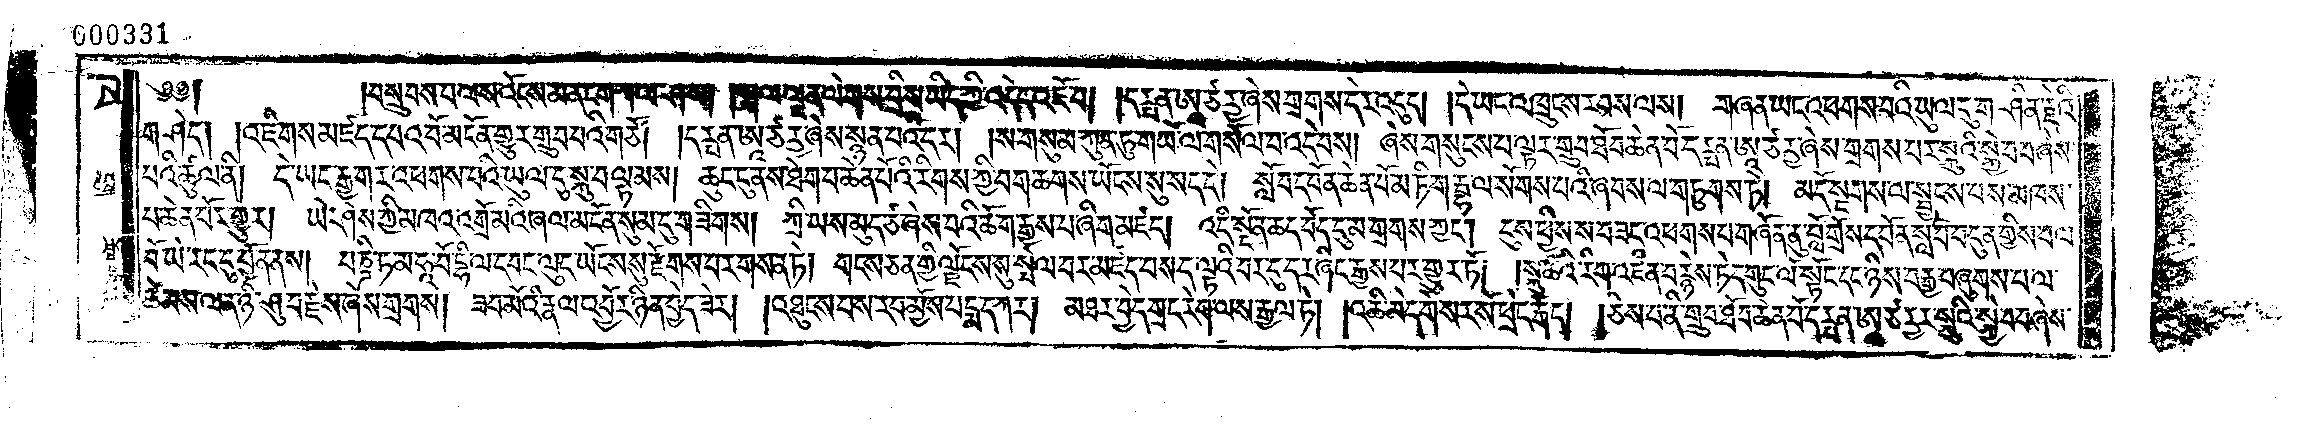༄༅། །བསྲུབས་པ་ལས་འོངས་མན་ངག་ཀ་ལ་ཤས། །སྐལ་ལྡན་ལེགས་བྲིས་ཡིད་ཀྱི་འདོད་འཇོ་བ། །དརྤན་ཨཱ་ཙརྱ་ཞེས་གྲགས་དེར་འདུད། །དེ་ཡང་འཁྲུངས་རབས་ལས། གཞན་ཡང་འཕགས་པའི་ཡུལ་དུ་གཤིན་རྗེའི་
གཤེད། །འཇིགས་མཛད་དཔའ་བོ་མངོན་གྱུར་གྲུབ་པའི་གཙོ། །དརྤན་ཨཱ་ཙརྱ་ཞེས་སྙན་བའི་དར། །ས་གསུམ་ཀུན་ཏུ་གཡོ་ལ་གསོལ་བ་འདེབས། ཞེས་གསུངས་བ་ལྟར་གྲུབ་ཐོབ་ཆེན་པོ་དརྤན་ཨཱ་ཙརྱ་ཞེས་གྲགས་པར་སྐུའི་སྐྱེ་བ་བཞེས་
པའི་ཚུལ་ནི། དེ་ཡང་རྒྱ་གར་འཕགས་པའི་ཡུལ་དུ་སྐུ་བལྟམས། ཆུང་དུ་ནས་ཐེག་པ་ཆེན་པོའི་རིགས་ཀྱི་བག་ཆགས་ཡོངས་སུ་སད་དེ། སློབ་དཔོན་ཆེན་པོ་མ་ཏི་གརྦྷ་ལ་སོགས་པའི་ཞབས་ལ་གཏུགས་ཏེ། མདོ་སྔགས་ལ་སྦྱངས་བས་མཁས་
པ་ཆེན་པོར་གྱུར། ཡེ་ཤེས་ཀྱི་མཁའ་འགྲོ་མའི་ཞལ་མངོན་སུམ་དུ་གཟིགས། ཀྲི་ཡས་མུད་ཙ་ཞེས་པའི་ཆོ་ག་རྒྱས་པ་ཞིག་མཛད། འདི་སྔོན་ཆད་བོད་དུ་མ་གྲགས་ཀྱང་། དུས་ཕྱིས་ས་བཟང་འཕགས་པ་གཞོན་ནུ་བློ་གྲོས་དཔོན་སློབ་བདུན་གྱིས་བལ་
བོ་ཡེ་རང་དུ་བྱོན་ནས། པཎྜི་ཏ་མ་ཧཱ་བོ་དྷི་ལ་དབང་ལུང་ཡོངས་སུ་རྫོགས་པར་གསན་ཏེ། གངས་ཅན་གྱི་ལྗོངས་སུ་སྤེལ་བར་མཛད་པས་ད་ལྟའི་བར་དུ་དར་ཞིང་རྒྱས་པར་གྱུར་ཏོ། །སྐུ་ཚེའི་རིག་འཛིན་བརྙེས་ཏེ་དགུང་ལོ་སྟོང་དང་ཉིས་བརྒྱ་བཞུགས་པ་ལ་
ཚེམས་ལན་ཉི་ཤུ་བརྗེས་ཞེས་གྲགས། ཟབ་མོའི་རྣལ་འབྱོར་ཉིན་བྱེད་ཟེར། །འཐུངས་པས་རབ་མྱོས་པདམ་དཀར། མཐར་བྱེད་གྲང་རེག་ལས་རྒྱལ་ཏེ། །འཆི་མེད་གེ་སར་སོ་ཕྲེང་རྒོད། །ཅེས་བ་ནི་གྲུབ་ཐོབ་ཆེན་པོ་དརྤན་ཨཱ་ཙརྱར་སྐུའི་སྐྱེ་བ་བཞེས་